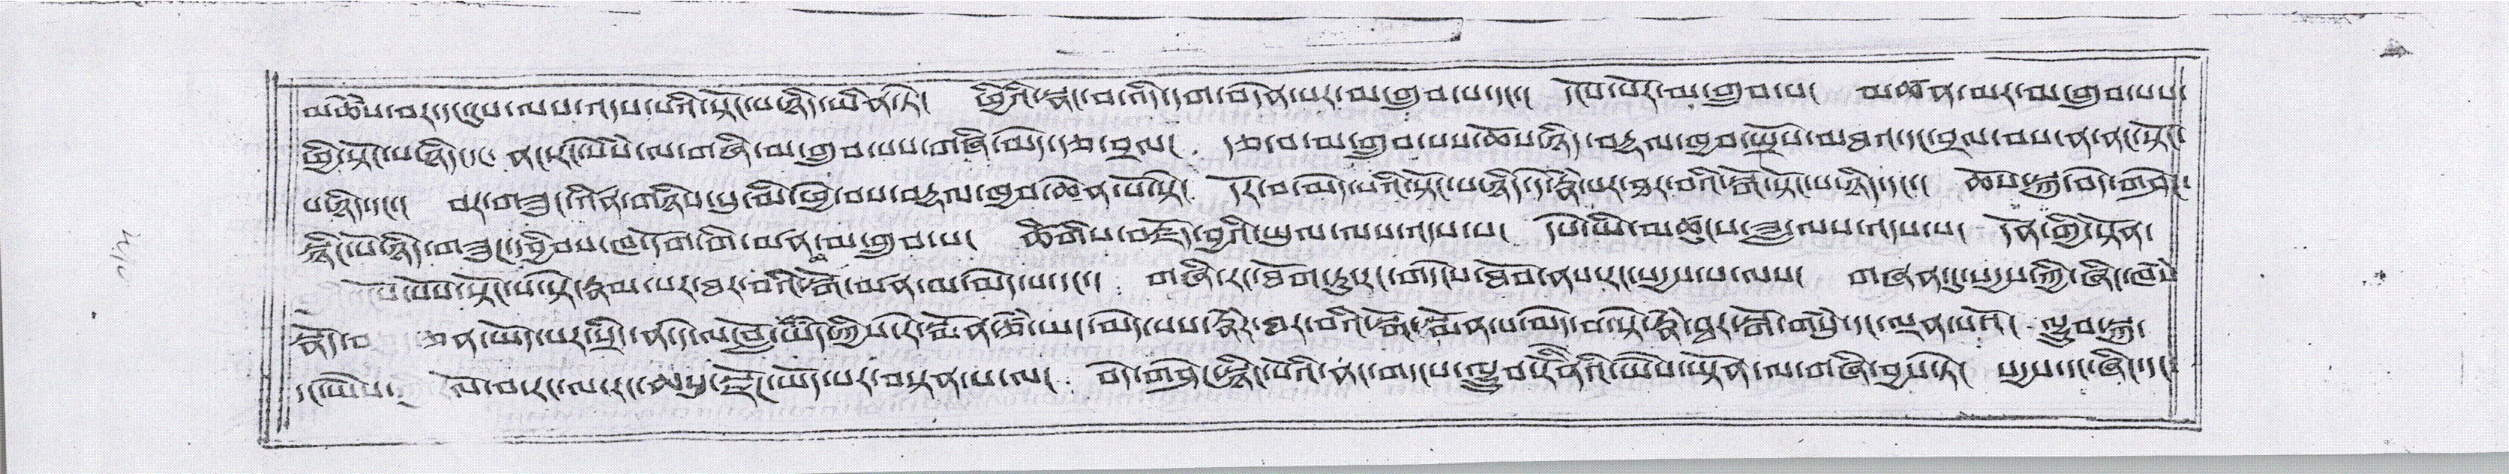མཚམས་བར་དང་དུས་ལས་འདས་པའི་སྟོང་པ་ཉིད་ཡིན་ཏེ། ཕྱི་ཡི་སྣང་བ་འདི་དག་བདེན་པར་མ་གྲུབ་པ་དང་། དངོས་པོར་མ་གྲུབ་པ། མཚན་མར་མ་གྲུབ་པས་
ཕྱི་སྟོང་པ་ཉིད་དང་། ནང་རང་སེམས་ལ་གཞི་མ་གྲུབ་པས་གཞི་མེད་རྩ་བྲལ། རྩ་བ་མ་གྲུབ་པས་ཆོས་ཉིད་བརྡལ་ཁྱབ་སྤྲོས་མཐའ་བྲལ་བས་ན་ནང་སྟོང་
པ་ཉིད་དང་། བར་གཟུང་འཛིན་གཉིས་སུ་མི་ཕྱེ་བས་བརྡལ་ཁྱབ་ཆེན་པོ་སྟེ། དོར་བ་མེད་པའི་སྟོང་པ་ཉིད་དེ་རྣམ་པར་ཐར་པའི་སྒོ་སྟོང་པ་ཉིད་དང་། ཆོས་སྐུ་བདེར་གཤེགས་
སྙིང་པོ་ཉིད་གཟུགས་དབྱིབས་ཁ་དོག་གི་མཚན་མ་གྲུབ་པ། ཚིག་གིས་བརྗོད་བྱའི་ཡུལ་ལས་འདས་པ། དཔེ་མི་མཚུངས་ཟླ་ལས་འདས་པ། དོན་གྱི་དངོས་
པོས་སྟོང་པ་སྟེ་རྣམ་པར་ཐར་པའི་སྒོ་མཚན་མ་མེད་པ་དང་། གཞི་རང་ཐོག་ཏུ་རང་གདེང་ཐོབ་ནས་རང་སངས་རྒྱས་པ་ལས། གཞན་དུ་སངས་རྒྱས་ཀྱི་ཞིང་ཁམས་
སྣོད་བཅུད་ཅན་ཡོད་པར་སྲིད་ན་དེ་ལ་བློ་ཡིད་ཀྱིས་རེ་སྨོན་ཅི་ཡང་མེད་པས་རྣམ་པར་ཐར་པའི་སྒོ་སྨོན་པ་མེད་པ་སྟེ་རྣམ་ཐར་སྒོ་གསུམ་དང་ལྡན་པའོ། ལྷུན་གྲུབ་སྐུ་
དང་ཡེ་ཤེས་ཀྱི་རོལ་པ་རང་ཆས་སུ་རྫོགས་ཡོད་པར་བསྟན་པ་ལ། བདེ་གཤེགས་སྙིང་པོའི་ནང་གདངས་ལྷུན་གྲུབ་རིན་པོ་ཆེའི་ཡེ་ཤེས་ཀྱི་ཡོན་ཏན་ལ་གཞི་བྱས་སྟེ། སངས་རྒྱས་དང་ཞིང་དང་